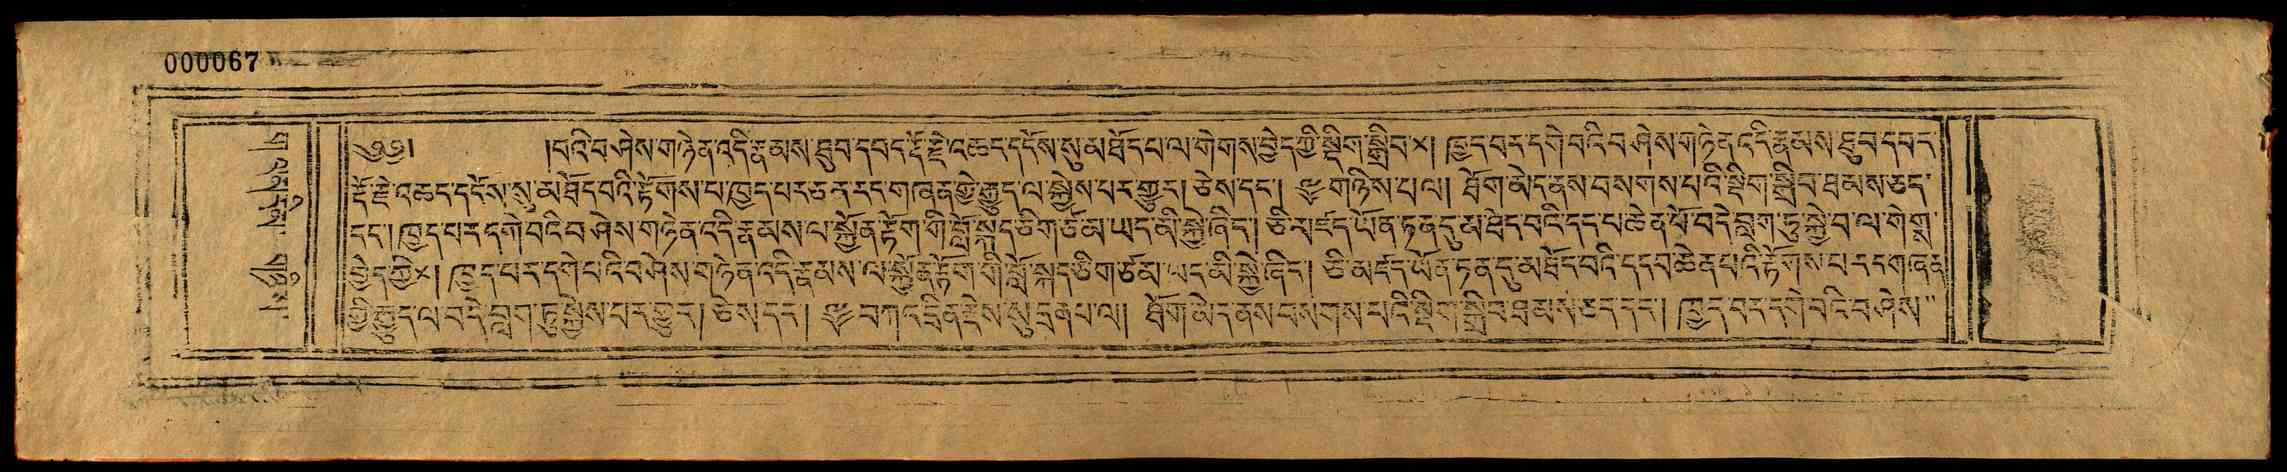༄༅། །བའི་བཤེས་གཉེན་འདི་རྣམས་ཐུབ་དབང་རྡོ་རྗེ་འཆང་དངོས་སུ་མཐོང་བ་ལ་གེགས་བྱེད་ཀྱི་སྡིག་སྒྲིབ་྾། ཁྱད་པར་དགེ་བའི་བཤེས་གཉེན་འདི་རྣམས་ཐུབ་དབང་
རྡོ་རྗེ་འཆང་དངོས་སུ་མཐོང་བའི་རྟོགས་པ་ཁྱད་པར་ཅན་རང་གཞན་གྱི་རྒྱུད་ལ་སྐྱེས་པར་གྱུར། ཅེས་དང་། ༈ གཉིས་པ་ལ། ཐོག་མེད་ནས་བསགས་པའི་སྡིག་སྒྲིབ་ཐམས་ཅད་
དང་། ཁྱད་པར་དགེ་བའི་བཤེས་གཉེན་འདི་རྣམས་ལ་སྐྱོན་རྟོག་གི་བློ་སྐད་ཅིག་ཙམ་ཡང་མི་སྐྱེ་ཞིང་། ཅི་མཛད་ཡོན་ཏན་དུ་མཐོང་བའི་དད་པ་ཆེན་པོ་བདེ་བླག་ཏུ་སྐྱེ་བ་ལ་གེགས་
བྱེད་ཀྱི་྾། ཁྱད་པར་དགེ་བའི་བཤེས་གཉེན་འདི་རྣམས་ལ་སྐྱོན་རྟོག་གི་བློ་སྐད་ཅིག་ཙམ་ཡང་མི་སྐྱེ་ཞིང་། ཅི་མཛད་ཡོན་ཏན་དུ་མཐོང་བའི་དད་པ་ཆེན་པོའི་རྟོགས་པ་རང་གཞན་
གྱི་རྒྱུད་ལ་བདེ་བླག་ཏུ་སྐྱེས་པར་གྱུར། ཅེས་དང་། ༈ བཀའ་དྲིན་རྗེས་སུ་དྲན་པ་ལ། ཐོག་མེད་ནས་བསགས་པའི་སྡིག་སྒྲིབ་ཐམས་ཅད་དང་། ཁྱད་པར་དགེ་བའི་བཤེས་